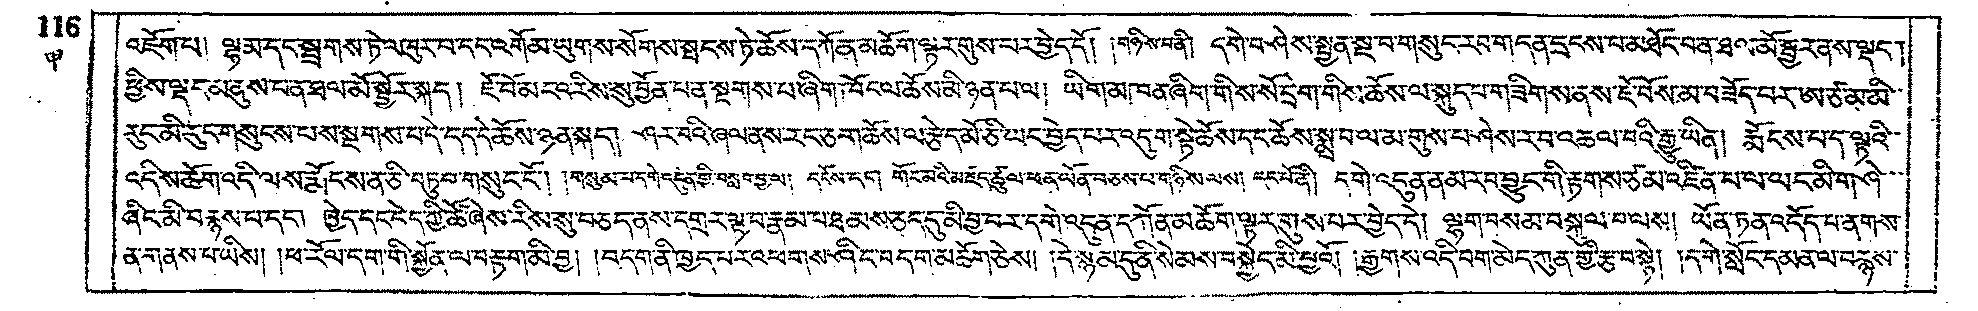འཇོག་པ། ལྷམ་དང་སྦྲགས་ཏེ་འཁུར་བ་དང་འགོམ་ཡུགས་སོགས་སྤངས་ཏེ་ཆོས་དཀོན་མཆོག་ལྟར་གུས་པར་བྱེད་དོ། ། གཉིས་པ་ནི།  དགེ་བཤེས་སྤྱན་སྔ་བ་གསུང་རབ་གདན་དྲངས་པ་མཐོང་བ་ན་ཐལ་མོ་སྦྱར་ནས་ལྡང་།
ཕྱིས་ལྡང་མ་ནུས་པ་ན་ཐལ་མོ་སྦྱོར་སྐད། ཇོ་བོ་མངའ་རིས་སུ་བྱོན་པ་ན་སྔགས་པ་ཞིག་ཁོང་ལ་ཆོས་མི་ཉན་པ་ལ། ཡིག་མཁན་ཞིག་གིས་སོ་དྲེག་གིས་ཆོས་ལ་སྐུད་པ་གཟིགས་ནས་ཇོ་བོས་མ་བཟོད་པར་ཨ་ཙ་མ་མི་
རུང་མི་རུང་གསུངས་པས་སྔགས་པ་དེ་དད་དེ་ཆོས་ཉན་སྐད། ཤར་བའི་ཞལ་ནས་རང་ཅག་ཆོས་ལ་རྩེད་མོ་ཅི་ཡང་བྱེད་པར་འདུག་སྟེ་ཆོས་དང་ཆོས་སྨྲ་བ་ལ་མ་གུས་པ་ཤེས་རབ་འཆལ་བའི་རྒྱུ་ཡིན། རྨོངས་པ་ད་ལྟའི་
འདིས་ཆོག་འདི་ལས་རྨོངས་ན་ཅི་བཏུབ་གསུང་ངོ། ། གསུམ་པ་དགེ་འདུན་གྱི་བསླབ་པ་བྱ་ལ།  དངོས་དང་། གོང་མའི་མཛད་ཚུལ་ཕན་ཡོན་བཅས་པ་གཉིས་ལས། དང་པོ་ནི། དགེ་འདུན་ནམ་རབ་བྱུང་གི་རྟགས་ཙམ་འཛིན་པ་ལ་ཡང་མི་གཤེ་
ཞིང་མི་བརྙས་པ་དང་། ཁྱེད་དང་ངེད་ཀྱི་ཚོ་ཞེས་རིས་སུ་བཅད་ནས་དགྲར་ལྟ་བ་རྣམ་པ་ཐམས་ཅད་དུ་མི་བྱ་བར་དགེ་འདུན་དཀོན་མཆོག་ལྟར་གུས་པར་བྱེད་དེ། ལྷག་བསམ་བསྐུལ་བ་ལས། ཡོན་ཏན་འདོད་པ་ནགས་
ན་གནས་པ་ཡིས། །ཕ་རོལ་དག་གི་སྐྱོན་ལ་བརྟག་མི་བྱ། །བདག་ནི་ཁྱད་པར་འཕགས་ཤིང་བདག་མཆོག་ཅེས། །དེ་སྙམ་དུ་ནི་སེམས་བསྐྱེད་མི་བྱའོ། །རྒྱགས་འདི་བག་མེད་ཀུན་གྱི་རྩ་བ་སྟེ། །དགེ་སློང་དམན་ལ་བརྙས་